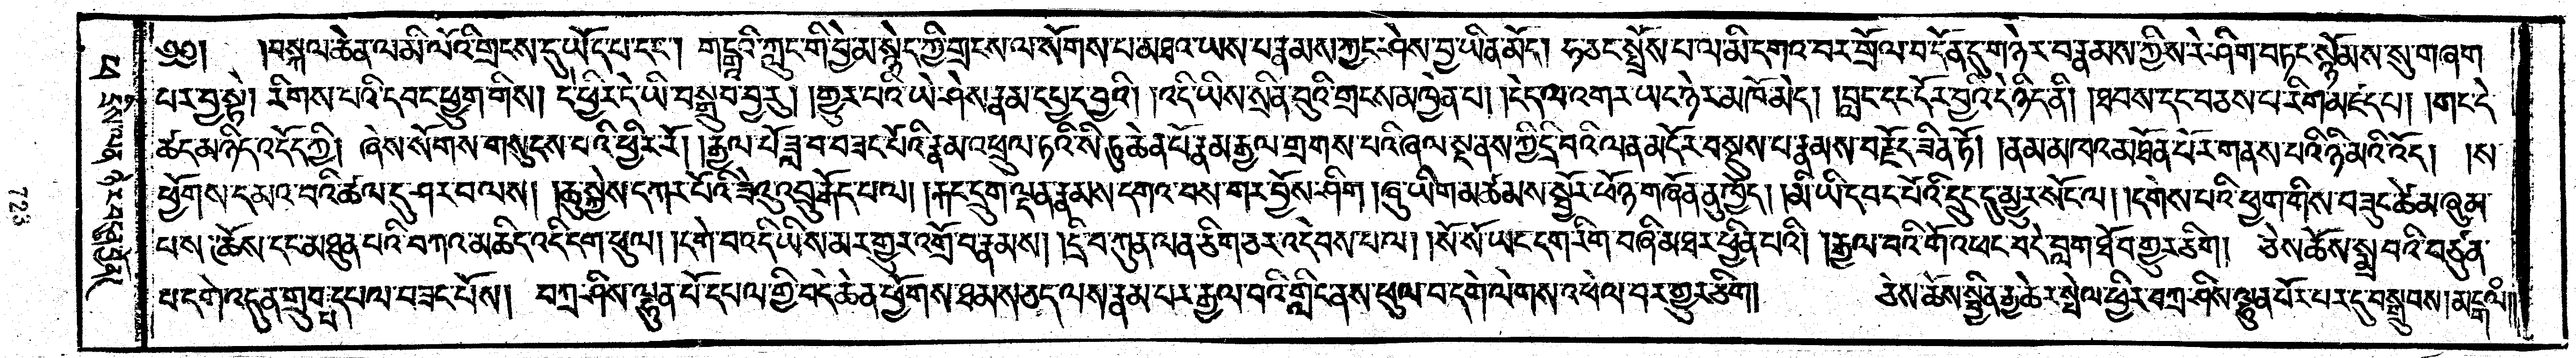༄༅། །བསྐལ་ཆེན་ལ་མི་ལོའི་གྲངས་དུ་ཡོད་པ་དང་། གངྒཱའི་ཀླུང་གི་བྱེ་མ་སྙེད་ཀྱི་གྲངས་ལ་སོགས་པ་མཐའ་ཡས་པ་རྣམས་ཀྱང་ཤེས་བྱ་ཡིན་མོད། ཧ་ཅང་སྤྲོས་པ་ལ་མི་དགའ་བར་གྲོལ་བ་དོན་དུ་གཉེར་བ་རྣམས་ཀྱིས་རེ་ཤིག་བཏང་སྙོམས་སུ་གཞག་
པར་བྱ་སྟེ། རིགས་པའི་དབང་ཕྱུག་གིས། དེ་ཕྱིར་དེ་ཡི་བསྒྲུབ་བྱ་རུ། །གྱུར་པའི་ཡེ་ཤེས་རྣམ་དཔྱད་བྱའི། །འདི་ཡིས་སྲིན་བུའི་གྲངས་མཁྱེན་པ། །དེད་ལ་འགར་ཡང་ཉེར་མཁོ་མེད། །བླང་དང་དོར་བྱའི་དེ་ཉིད་ནི། །ཐབས་དང་བཅས་པ་རིག་མཛད་པ། །གང་དེ་
ཚད་མ་ཉིད་འདོད་ཀྱི། ཞེས་སོགས་གསུངས་པའི་ཕྱིར་རོ། །རྒྱལ་པོ་ཟླ་བ་བཟང་པོའི་རྣམ་འཕྲུལ་ཏའི་སི་ཏུ་ཆེན་པོ་རྣམ་རྒྱལ་གྲགས་པའི་ཞལ་སྔ་ནས་ཀྱི་དྲི་བའི་ལན་མདོར་བསྡུས་པ་རྣམས་བརྗོད་ཟིན་ཏོ། །ནམ་མཁའ་མཐོན་པོར་གནས་པའི་ཉི་མའི་འོད། །ས་
ཕྱོགས་དམའ་བའི་ཚལ་དུ་ཤར་བ་ལས། །ཆུ་སྐྱེས་དཀར་པོའི་ཟེའུ་འབྲུ་རྒོད་པ་ལས། །ཆུ་སྐྱེས་དཀར་པོའི་ཟེའུ་འབྲུ་རྒོད་པ་ལ། །རྐང་དྲུག་ལྡན་རྣམས་དགའ་བས་གར་བྱོས་ཤིག །ཞུ་ཡིག་མཚམས་སྦྱོར་ཕོ་ཉ་གཞོན་ནུ་ཁྱོད། །མི་ཡི་དབང་པོའི་དྲུང་དུ་མྱུར་སོང་ལ། །དགེས་པའི་ཕྱག་གིས་བཟུང་ཚེམ་ཞུམ་
པས་༑ཆོས་དང་མཐུན་པའི་བཀའ་མཆིད་འདི་དག་ཕུལ། །དགེ་བ་འདི་ཡིས་མར་གྱུར་འགྲོ་བ་རྣམས། །དྲི་བ་ཀུན་ལན་ཅིག་ཅར་འདེབས་པ་ལ། །སོ་སོ་ཡང་དག་རིག་བཞི་མཐར་ཕྱིན་པའི། །རྒྱལ་བའི་གོ་འཕང་བདེ་བླག་ཐོབ་གྱུར་ཅིག། ཅེས་ཆོས་སྨྲ་བའི་བཙུན་
པ་དགེ་འདུན་གྲུབ་པ་དཔལ་བཟང་པོས། བཀྲ་ཤིས་ལྷུན་པོ་དཔལ་གྱི་བདེ་ཆེན་ཕྱོགས་ཐམས་ཅད་ལས་རྣམ་པར་རྒྱལ་བའི་གླིང་ནས་ཕུལ་བ་དགེ་ལེགས་འཕེལ་བར་གྱུར་ཅིག། ཅེས་ཆོས་སྦྱིན་རྒྱ་ཆེར་སྤེལ་ཕྱིར་བཀྲ་ཤིས་ལྷུན་པོར་པར་དུ་བསྒྲུབས། མངྒ་ལཾ།།